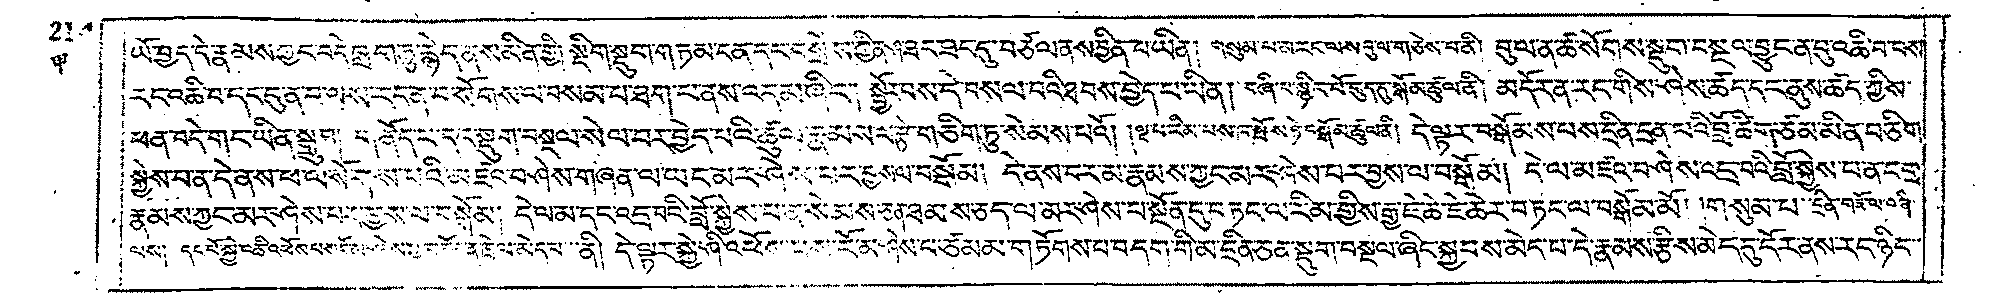ཡོ་བྱེད་དེ་རྣམས་ཀྱང་བདེ་བླག་ཏུ་རྙེད་ནས་མིན་གྱི། སྡིག་སྡུག་གཏམ་ངན་དང་བསྲེས་ཀྱིན་ཤ་ཐང་ཐང་དུ་བཙལ་ནས་བྱིན་པ་ཡིན། གསུམ་པ་མ་རང་ལས་བུ་ལ་གཅེས་པ་ནི།  བུ་ལ་ན་ཚ་སོགས་སྡུག་བསྔལ་བྱུང་ན་བུ་འཆི་བ་བས་
རང་འཆི་བ་དང་བུ་ན་བ་ལས་རང་ན་བ་སོགས་ལ་བསམ་པ་ཐག་པ་ནས་འདམ་ཞིང་། སྦྱོར་བས་དེ་བསལ་བའི་ཐབས་བྱེད་པ་ཡིན། བཞི་པ་སྙིང་པོ་གུད་དུ་སྒོམ་ཚུལ་ནི།  མདོར་ན་རང་གིས་ཤེས་ཚད་དང་ནུས་ཚད་ཀྱིས་
ཕན་བདེ་གང་ཡིན་སྒྲུབ། གནོད་པ་དང་སྡུག་བསྔལ་སེལ་བར་བྱེད་པའི་ཚུལ་རྣམས་ལ་རྩེ་གཅིག་ཏུ་སེམས་པའོ། །ལྔ་པ་རིམ་པས་ཁ་སྤོས་ཏེ་བསྒོམ་ཚུལ་ནི།  དེ་ལྟར་བསྒོམས་པས་དྲིན་དྲན་པའི་བློ་ཚིག་ཙམ་མིན་བ་ཅིག་
སྐྱེས་པ་ན་དེ་ནས་ཕ་ལ་སོགས་པའི་མཛའ་བཤེས་གཞན་ལ་ཡང་མར་ཤེས་པར་བྱས་ལ་བསྒོམ། དེ་ནས་བར་མ་རྣམས་ཀྱང་མར་ཤེས་པར་བྱས་ལ་བསྒོམ། དེ་ལ་མཛའ་བཤེས་འདྲ་བའི་བློ་སྐྱེས་པ་ན་དགྲ་
རྣམས་ཀྱང་མར་ཤེས་པར་བྱས་ལ་བསྒོམ། དེ་ལ་མ་དང་འདྲ་བའི་བློ་སྐྱེས་པ་ན་སེམས་ཅན་ཐམས་ཅད་ལ་མར་ཤེས་པ་སྔོན་དུ་བཏང་ལ་རིམ་གྱིས་རྒྱ་ཇེ་ཆེ་ཇེ་ཆེར་བཏང་ལ་བསྒོམ་མོ། །གསུམ་པདྲིན་གཟོ་ལ་བཞི་
ལས། དང་པོ་སྐྱེ་འཆི་འཕོས་པས་ངོ་མ་ཤེས་ཀྱང་དོར་ན་ཁྲེལ་མེད་པ་ནི། དེ་ལྟར་སྐྱེ་ཤི་འཕོས་པས་ངོ་མ་ཤེས་པ་ཙམ་མ་གཏོགས་པ་བདག་གི་མ་དྲིན་ཅན་སྡུག་བསྔལ་ཞིང་སྐྱབས་མེད་པ་དེ་རྣམས་རྩིས་མེད་དུ་དོར་ནས་རང་ཉིད་